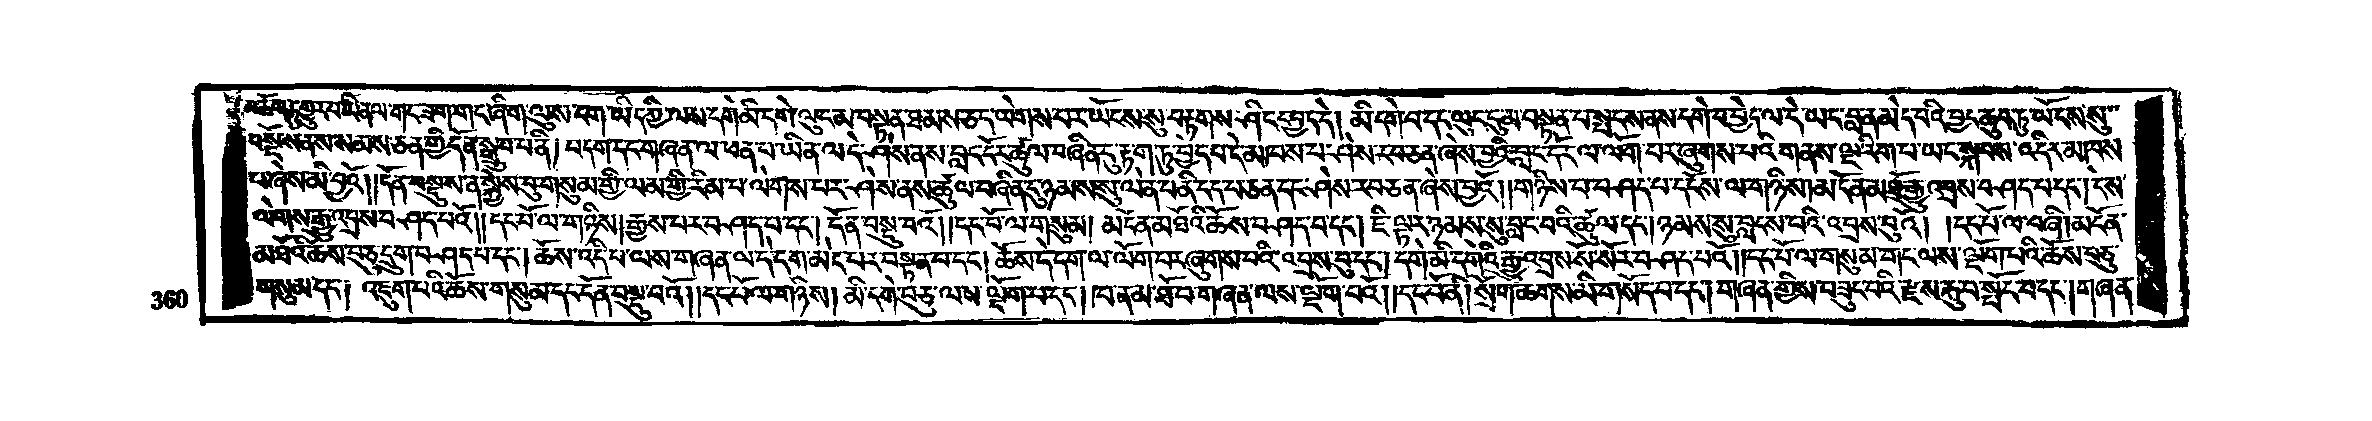མཆོག་ཏུ་གྱུར་པ་ཡིན་ལ་གང་ཟག་གང་ཞིག་ལུས་ངག་ཡིད་ཀྱི་ལས་དགེ་མི་དགེ་ལུང་མ་བསྟན་ཐམས་ཅད་ལེགས་པར་ཡོངས་སུ་བརྟགས་ཤིང་དབྱད་དེ། མི་དགེ་བ་དང་ལུང་དུ་མ་བསྟན་པ་སྤངས་ནས་དགེ་བ་བྱེད་ལ་དེ་ཡང་བླ་ན་མེད་པའི་བྱང་ཆུབ་ཏུ་ཡོངས་སུ་
བསྔོས་ནས་སེམས་ཅན་གྱི་དོན་སྒྲུབ་པ་ནི། བདག་དང་གཞན་ལ་ཕན་པ་ཡིན་ལ་དེ་ཤེས་ནས་བླང་དོར་ཚུལ་བཞིན་དུ་རྟག་ཏུ་བྱེད་པ་དེ་མཁས་པ་ཤེས་རབ་ཅན་ཞེས་བྱའི་བླང་དོར་ལ་ལོག་པར་ཞུགས་པའི་གནས་ལྔ་རིག་པ་ཡང་སྐབས་འདིར་མཁས་
པ་ཞེས་མི་བྱའོ། །དོན་བསྡུས་ན་སྐྱེས་བུ་གསུམ་གྱི་ལམ་གྱི་རིམ་པ་ལེགས་པར་ཤེས་ནས་ཚུལ་བཞིན་དུ་ཉམས་སུ་ལེན་པ་ནི་དད་པ་ཅན་དང་ཤེས་རབ་ཅན་ཞེས་བྱའོ། །གཉིས་པ་བཤད་པ་དངོས་ལ་གཉིས། མངོན་མཐོ་རྒྱུ་འབྲས་བཤད་པ་དང་། ངེས་
ལེགས་རྒྱུ་འབྲས་བཤད་པའོ། །དང་པོ་ལ་གཉིས། རྒྱས་པར་བཤད་པ་དང་། དོན་བསྡུ་བའོ། །དང་པོ་ལ་གསུམ། མངོན་མཐོའི་ཆོས་བཤད་པ་དང་། ཇི་ལྟར་ཉམས་སུ་བླང་བའི་ཚུལ་དང་། ཉམས་སུ་བླངས་པའི་འབྲས་བུའོ། །དང་པོ་ལ་བཞི། མངོན་
མཐོའི་ཆོས་བཅུ་དྲུག་བཤད་པ་དང་། ཆོས་འདི་པ་ལས་གཞན་ལ་དེ་དག་མེད་པར་བསྟན་པ་དང་། ཆོས་དེ་དག་ལ་ལོག་པར་ཞུགས་པའི་འབྲས་བུ་དང་། དགེ་མི་དགེའི་རྒྱུ་འབྲས་སོ་སོར་བཤད་པའོ། །དང་པོ་ལ་གསུམ་གང་ལས་ལྡོག་པའི་ཆོས་བཅུ་
གསུམ་དང་། འཇུག་པའི་ཆོས་གསུམ་དང་དོན་བསྡུ་བའོ། །དང་པོ་ལ་གཉིས། མི་དགེ་བཅུ་ལས་ལྡོག་པ་དང་། ཁ་ན་མ་ཐོ་བ་གཞན་ལས་ལྡོག་པའོ། །དང་པོ་ནི། སྲོག་ཆགས་མི་གསོད་པ་དང་། གཞན་གྱིས་བཟུང་བའི་རྫས་རྐུ་བ་སྤོང་བ་དང་། གཞན་